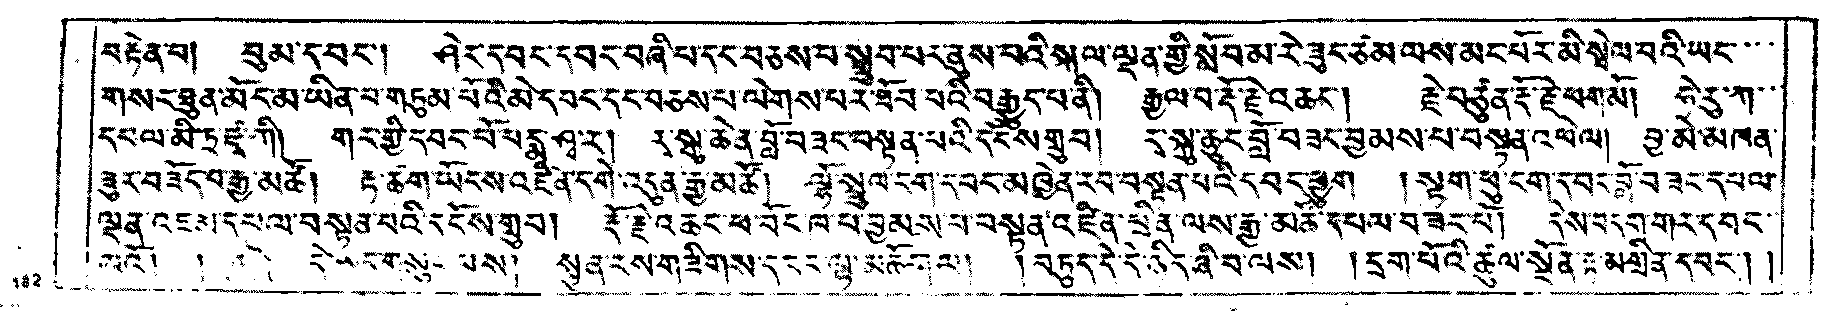བརྟེན་པ། བུམ་དབང་། ཤེར་དབང་དབང་བཞི་པ་དང་བཅས་པ་སྒྲུབ་པར་ནུས་པའི་སྐལ་ལྡན་གྱི་སློབ་མ་རེ་ཟུང་ཙམ་ལས་མང་པོར་མི་སྤེལ་བའི་ཡང་
གསང་ཐུན་མོང་མ་ཡིན་པ་གཏུམ་པོའི་མེ་དབང་དང་བཅས་པ་ལེགས་པར་ཐོབ་པའི་བརྒྱུད་པ་ནི། རྒྱལ་བ་རྡོ་རྗེ་འཆང་། རྗེ་བཙུན་རྡོ་རྗེ་ཕག་མོ། ཧེ་རུ་ཀ་
དཔལ་མི་ཏྲ་ཛྭ་ཀི། གར་གྱི་དབང་པོ་པདམ་ཤྭ་ར། རྭ་སྐུ་ཆེན་བློ་བཟང་བསྟན་པའི་དངོས་གྲུབ། རྭ་སྐུ་ཆུང་བློ་བཟང་བྱམས་པ་བསྟན་འཕེལ། བྱ་མེ་མཁན་
ཟུར་བཟོད་པ་རྒྱ་མཚོ། རྟ་ཚག་ཡོངས་འཛིན་དགེ་འདུན་རྒྱ་མཚོ། ལྷོ་སྤྲུལ་ངག་དབང་མཁྱེན་རབ་བསྟན་པའི་དབང་ཕྱུག །སྟག་ཕུ་ངག་དབང་བློ་བཟང་དཔལ་
ལྡན་འཇམ་དཔལ་བསྟན་པའི་དངོས་གྲུབ། རྡོ་རྗེ་འཆང་ཕ་བོང་ཁ་པ་བྱམས་པ་བསྟན་འཛིན་ཕྲིན་ལས་རྒྱ་མཚོ་དཔལ་བཟང་པོ། དེས་བདག་གར་དབང་
ལའོ། །༩?་དེ་ཡང་གསུང་ལས། སྤྱན་རས་གཟིགས་དབང་ལྷ་མཆོག་ལ། །བཏུད་དེ་དེ་ཉིད་ཞི་བ་ལས། །དྲག་པོའི་ཚུལ་སྔོན་རྟ་མགྲིན་དབང་། །